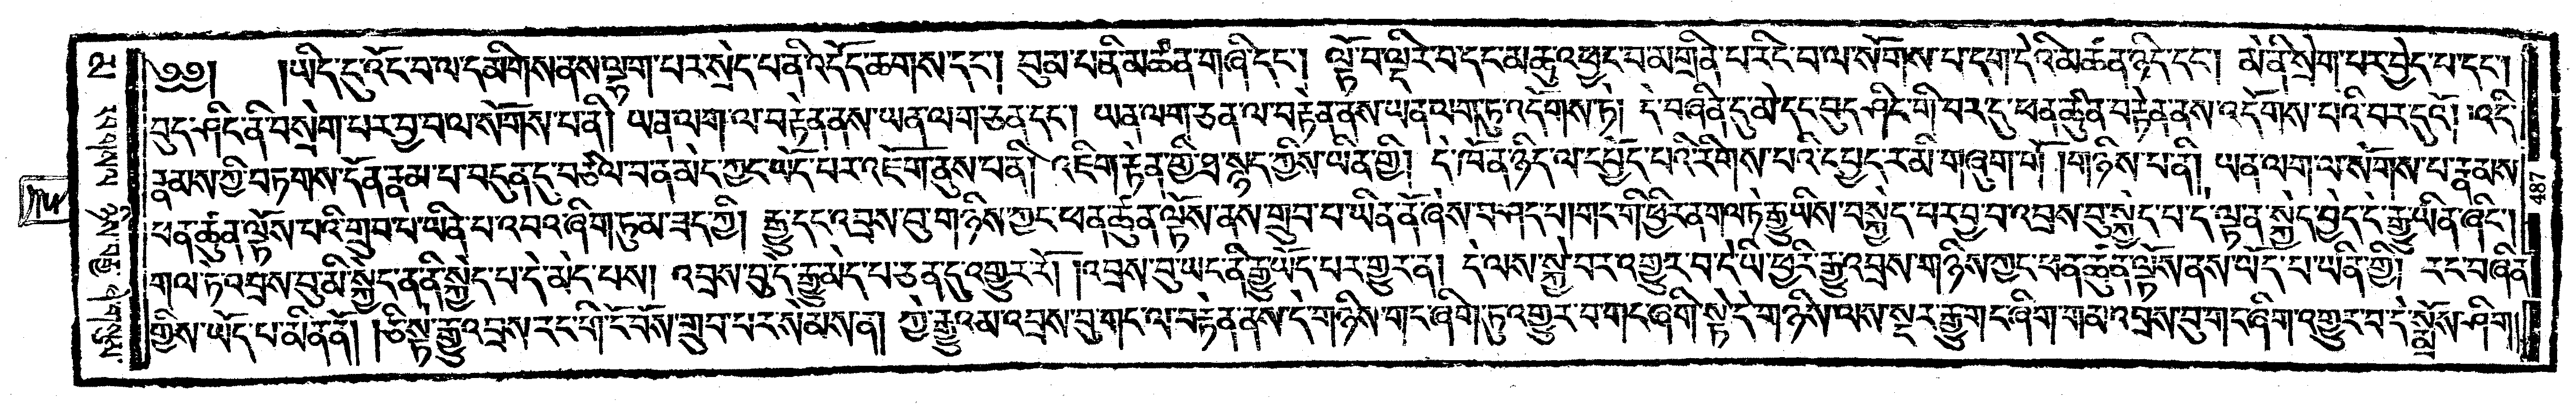༄༅། །ཡིད་དུ་འོང་བ་ལ་དམིགས་ནས་ལྷག་པར་སྲེད་པ་ནི་འདོད་ཆགས་དང་། བུམ་པ་ནི་མཚན་གཞི་དང་། ལྟོ་བ་ལྡིར་བ་དང་མཆུ་འཕྱང་བ་མགྲིན་པ་རིང་བ་ལ་སོགས་པ་དག་དེའི་མཚན་ཉིད་དང་། མེ་ནི་སྲེག་པར་བྱེད་པ་དང་།
བུད་ཤིང་ནི་བསྲེག་པར་བྱ་བ་ལ་སོགས་པ་ནི། ཡན་ལག་ལ་བརྟེན་ནས་ཡན་ལག་ཅན་དང་། ཡན་ལག་ཅན་ལ་བརྟེན་ནས་ཡན་ལག་ཏུ་འདོགས་ཏེ། དེ་བཞིན་དུ་མེད་དང་བུད་ཤིང་གི་བར་དུ་ཕན་ཚུན་བརྟེན་ནས་འདོགས་པའི་བར་དུའོ། །འདི་
རྣམས་ཀྱི་བཏགས་དོན་རྣམ་པ་བདུན་དུ་བཙལ་བ་ན་མེད་ཀྱང་ཡོད་པར་འཇོག་ནུས་པ་ནི། འཇིག་རྟེན་གྱི་ཐ་སྙད་ཀྱིས་ཡིན་གྱི། དེ་ཁོ་ན་ཉིད་ལ་དཔྱོད་པའི་རིགས་པའི་དཔྱད་ར་མི་གཞུག་གོ །གཉིས་པ་ནི། ཡན་ལག་ལ་སོགས་པ་རྣམས་
ཕན་ཚུན་ལྟོས་པའི་གྲུབ་པ་ཡིན་པ་འབའ་ཞིག་ཏུ་མ་ཟད་ཀྱི། རྒྱུ་དང་འབྲས་བུ་གཉིས་ཀྱང་ཕན་ཚུན་ལྟོས་ནས་གྲུབ་པ་ཡིན་ནོ་ཞེས་བཤད་པ། གང་གི་ཕྱིར་ན་གལ་ཏེ་རྒྱུ་ཡིས་བསྐྱེད་པར་བྱ་བ་འབྲས་བུ་སྐྱེད་པ་དེ་ལྟ་ན་སྐྱེད་བྱེད་དེ་རྒྱུ་ཡིན་ཞིང་།
གལ་ཏེ་འབྲས་བུ་མི་སྐྱེད་ན་ནི་སྐྱེད་པ་དེ་མེད་པས། འབྲས་བུ་དེ་རྒྱུ་མེད་པ་ཅན་དུ་འགྱུར་རོ། །འབྲས་བུ་ཡང་ནི་རྒྱུ་ཡོད་པར་གྱུར་ན། དེ་ལས་སྐྱེ་བར་འགྱུར་བ་དེ་ཡི་ཕྱིར་རྒྱུ་འབྲས་གཉིས་ཀྱང་ཕན་ཚུན་ལྟོས་ནས་ཡོད་པ་ཡིན་གྱི། རང་བཞིན་
གྱིས་ཡོད་པ་མིན་ནོ། །ཅི་སྟེ་རྒྱུ་འབྲས་རང་གི་ངོ་བོས་གྲུབ་པར་སེམས་ན། ཀྱེ་རྒྱུའམ་འབྲས་བུ་གང་ལ་བརྟེན་ནས་དེ་གཉིས་གང་ཞིག་ཏུ་འགྱུར་བ་གང་ཞིག་སྟེ་དེ་གཉིས་ལས་སྔར་རྒྱུ་གང་ཞིག་གམ་འབྲས་བུ་གང་ཞིག་འགྱུར་བ་དེ་སྨྲོས་ཤིག་